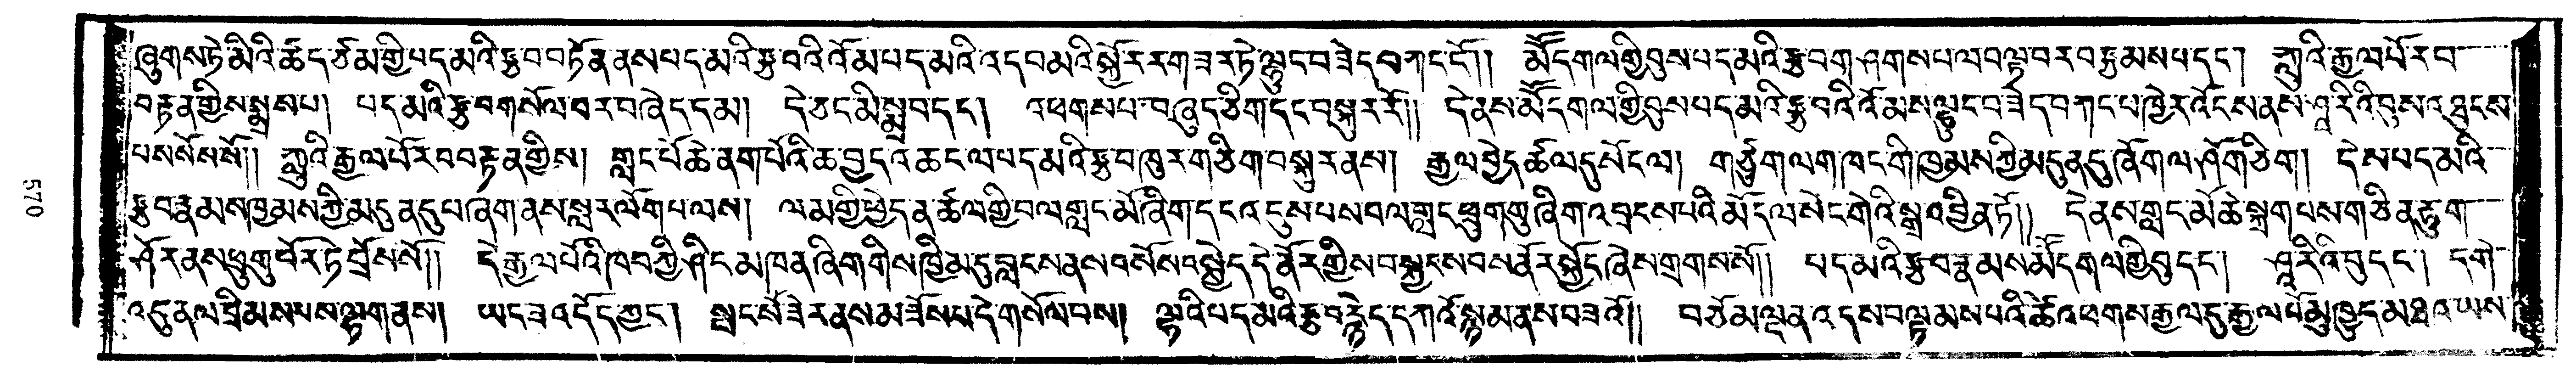ཞུགས་ཏེ་མིའི་ཚད་ཙམ་གྱི་པད་མའི་རྩ་བ་བཏོན་ནས་པད་མའི་རྩ་བའི་འོམ་པད་མའི་འདབ་མའི་སྐྱོ་རར་གཟར་ཏེ་ལྷུང་བཟེད་བཀང་ངོ།། མཽ་དགལ་གྱི་བུས་པད་མའི་རྩ་བ་གཤགས་པ་ལ་བལྟ་བར་བརྩམས་པ་དང་། ཀླུའི་རྒྱལ་པོ་རབ་
བརྟན་གྱིས་སྨྲས་པ། པད་མའི་རྩ་བ་གསོལ་བར་བཞེད་དམ། དེ་ཅང་མི་སྨྲ་བ་དང་། འཕགས་པ་བཞུད་ཅིག་དང་བསྐུར་རོ།། དེ་ནས་མཽ་དགལ་གྱི་བུས་པད་མའི་རྩ་བའི་འོ་མས་ལྷུང་བཟེད་བཀང་པ་ཁྱེར་འོངས་ནས་ཤཱ་རིའི་བུས་འཐུངས་
པས་སོས་སོ།། ཀླུའི་རྒྱལ་པོ་རབ་བརྟན་གྱིས། གླང་པོ་ཆེ་ནག་པོའི་ཆ་བྱད་འཆང་ལ་པད་མའི་རྩ་བ་ཁུར་གཅིག་བསྐུར་ནས། རྒྱལ་བྱེད་ཚལ་དུ་སོང་ལ། གཙུག་ལག་ཁང་གི་ཁྱམས་ཀྱི་མདུན་དུ་ཞོག་ལ་ཤོག་ཅིག། དེས་པད་མའི་
རྩ་བ་རྣམས་ཁྱམས་ཀྱི་མདུན་དུ་བཞག་ནས་སླར་ལོག་པ་ལས། ལམ་གྱི་ཕྱེད་ན་ཚལ་གྱི་བལ་གླང་མོ་ཞིག་དང་འདུས་པས་བལ་གླང་ཕྲུག་གུ་ཞིག་འབྲངས་པའི་མོད་ལ་སེང་གེའི་སྒྲ་འབྱིན་ཏོ།། དེ་ནས་གླང་མོ་ཆེ་སྐྲག་པས་གཅིན་རྟུག་
ཤོར་ནས་ཕྲུ་གུ་བོར་ཏེ་བྲོས་སོ།། དེ་རྒྱལ་པོའི་ཁབ་ཀྱི་ཤིང་མཁན་ཞིག་གིས་ཁྱིམ་དུ་བླངས་ནས་བསོས་བསྐྱེད་དེ་ནོར་གྱིས་བསྐྱངས་བས་ནོར་སྐྱོང་ཞེས་གྲགས་སོ།། པད་མའི་རྩ་བ་རྣམས་མཽད་གལ་གྱི་བུ་དང་། ཤཱ་རིའི་བུ་དང་། དགེ་
འདུན་ལ་བྲིམས་པས་ལྷག་ནས། ཡང་ཟ་འདོད་ཀྱང་། སྤང་སོ་ཟེར་ནས་མ་ཟོས་པ་དེ་གསོལ་བས། ལྷའི་པད་མའི་རྩ་བརྙེད་དཀའོ་སྙམ་ནས་བཟའོ།། བཅོམ་ལྡན་འདས་བལྟམས་པའི་ཚེ་འཕགས་རྒྱལ་དུ་རྒྱལ་པོ་མུ་ཁྱུད་མཐའ་ཡས་